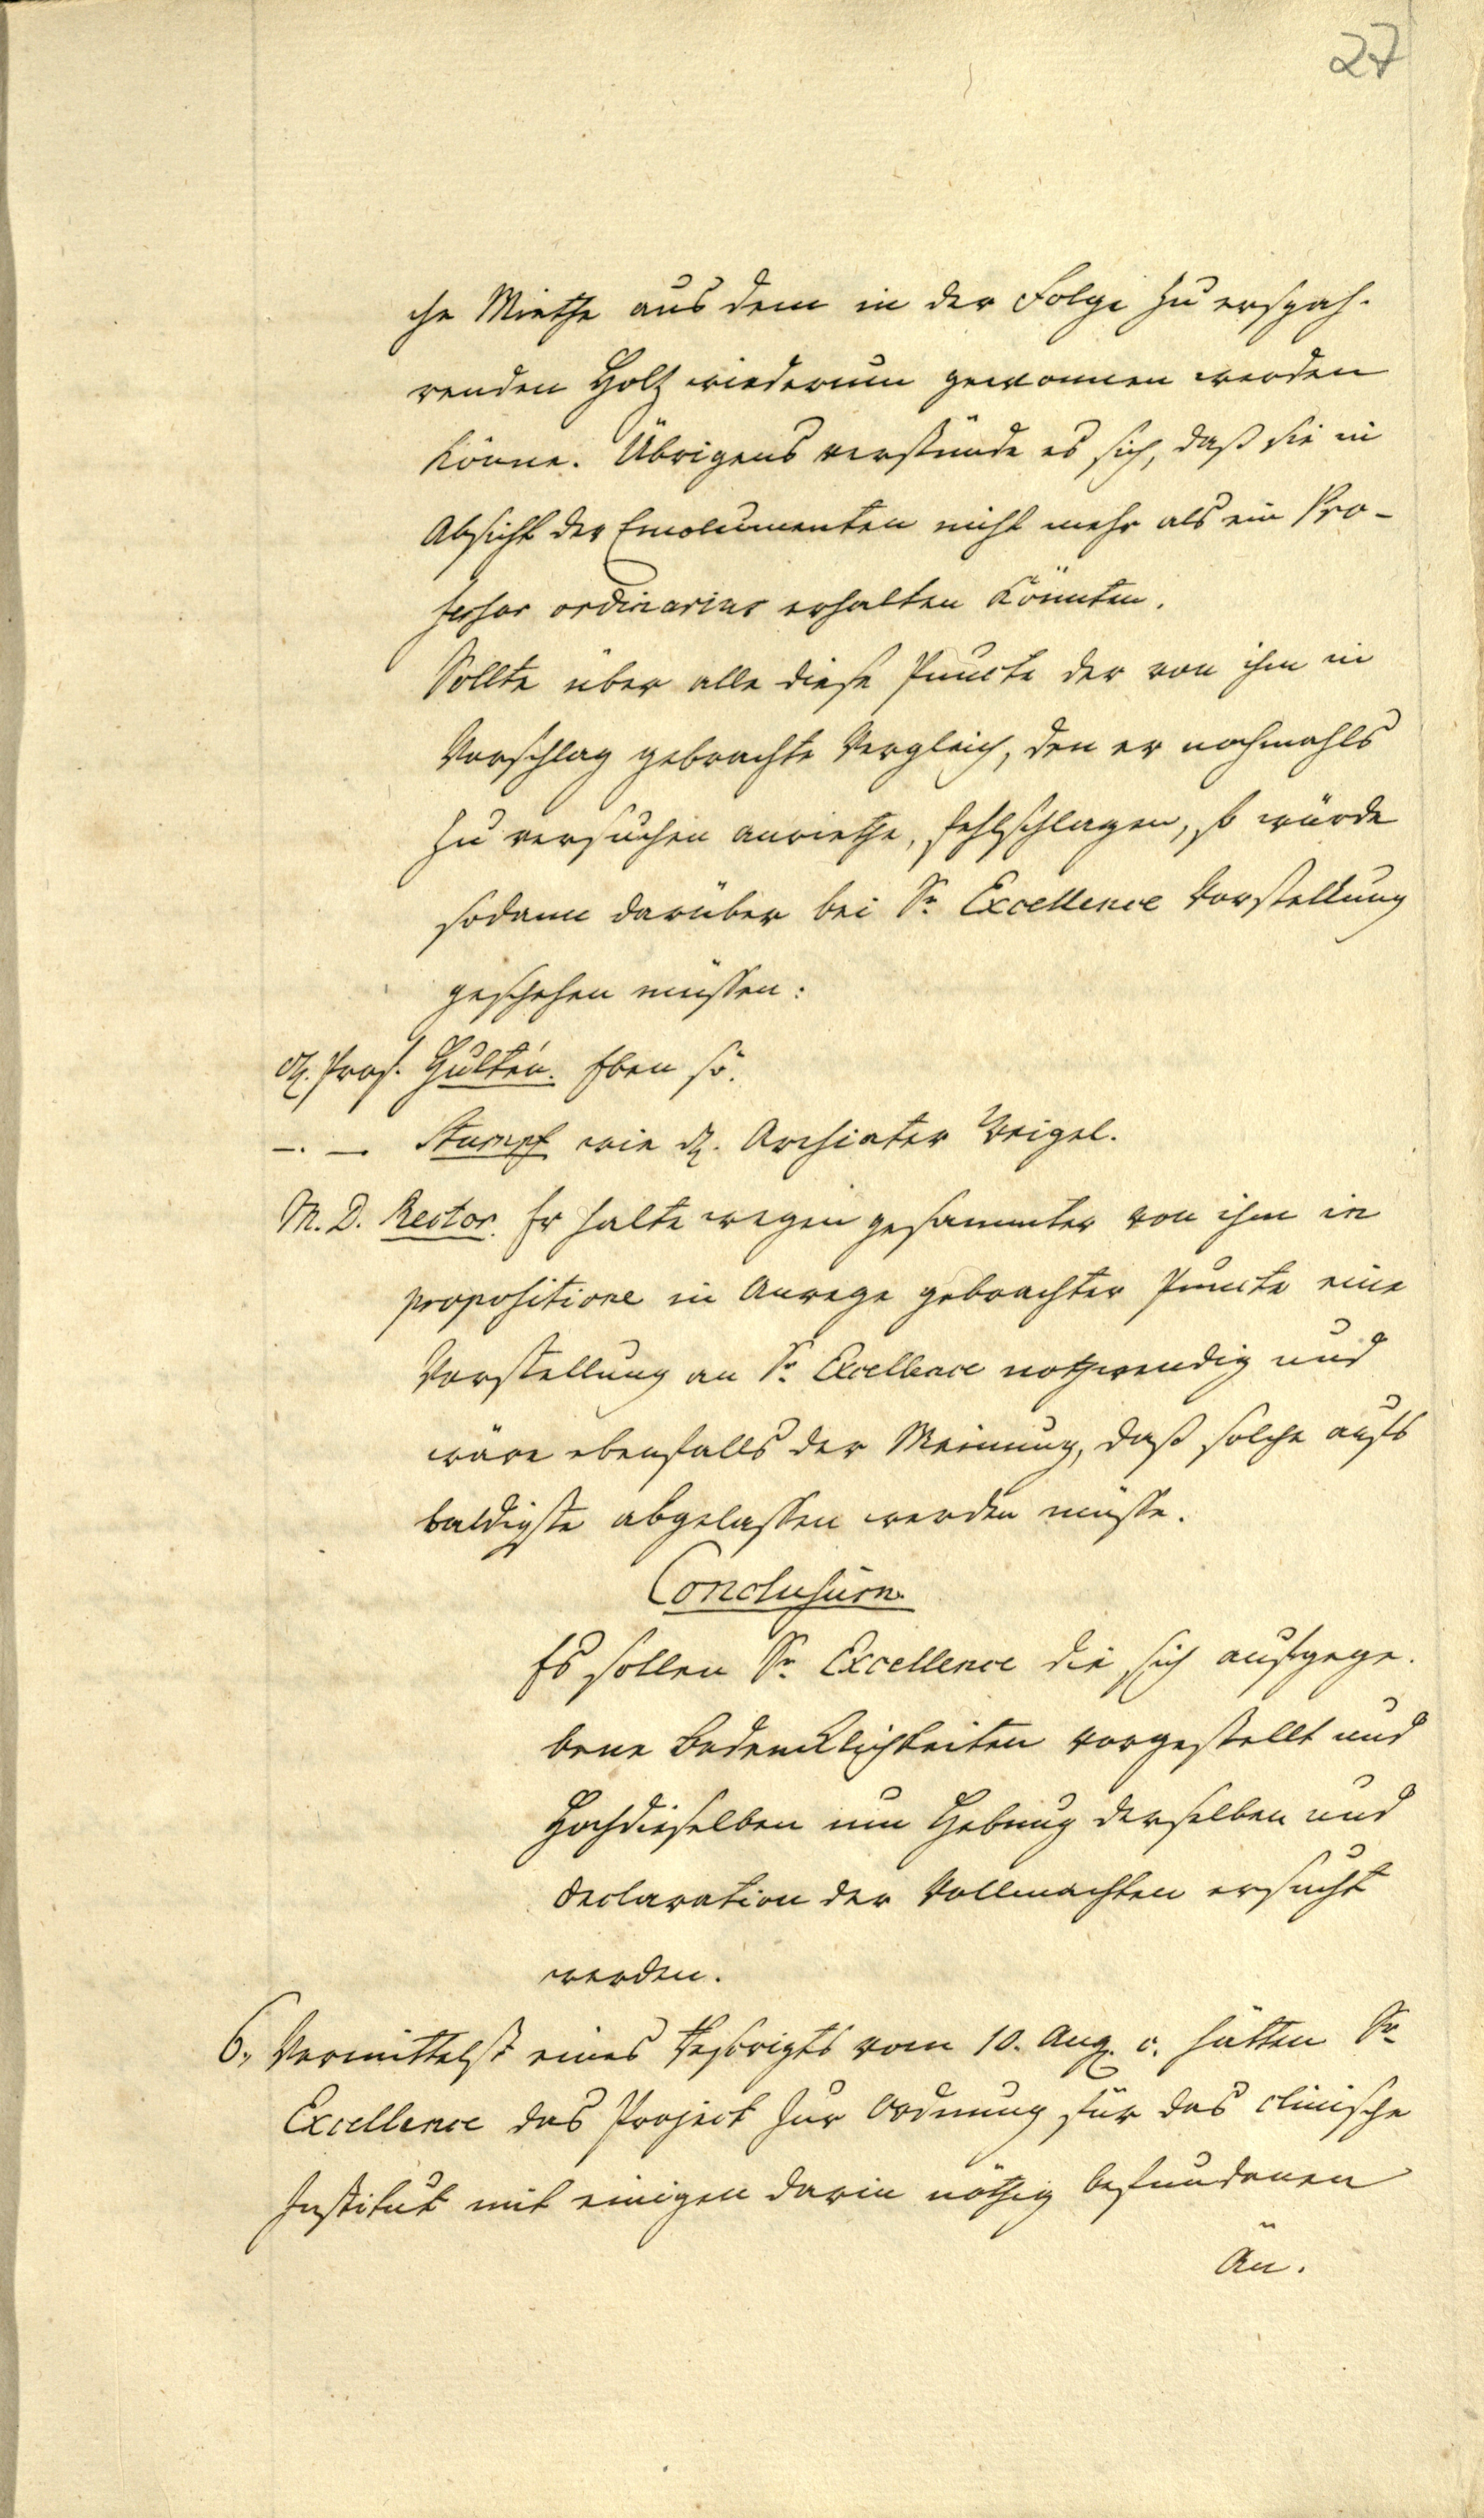che Miethe aus dem in der Folge zu erspah¬
renden Holz wiederum gewonnen werden
könne. Übrigens verstünde es sich, daß sie in
Absicht der Emolumenten nicht mehr als ein Pro¬
fessor ordinarius erhalten könnten.
Sollte über alle diese Puncte der von ihm in
Vorschlag gebrachte Vergleich, den er nochmahls
zu versuchen anriethe, fehlschlagen, so würde
sodann darüber bei Sr. Excellence Vorstellung
geschehen müssen.
dh. Prof. Hultèn. Eben so.
Stumpf wie der Archiater Weigel.
M. D. Rector. Er halte wegen gesammter von ihm in
propositione in Anrege gebrachter Puncte eine
Vorstellung an Sr. Excellence nothwendig und
wäre ebenfalls der Meinung, daß solche aufs
baldigste abgelassen werden müsse.
Conclusum
Es sollen Sr. Excellence die sich aufgege¬
bene Bedencklichkeiten vorgestellt und
Hochdieselben um Hebung derselben und
declaration der Vollmachten ersucht
werden.
6., Vermittelst eines Rescripts vom 10. Aug. c. hätten Sr.
Excellence das Project zur Ordnung für das clinische
Institut mit einigen darin nöthig befundenen
Än.